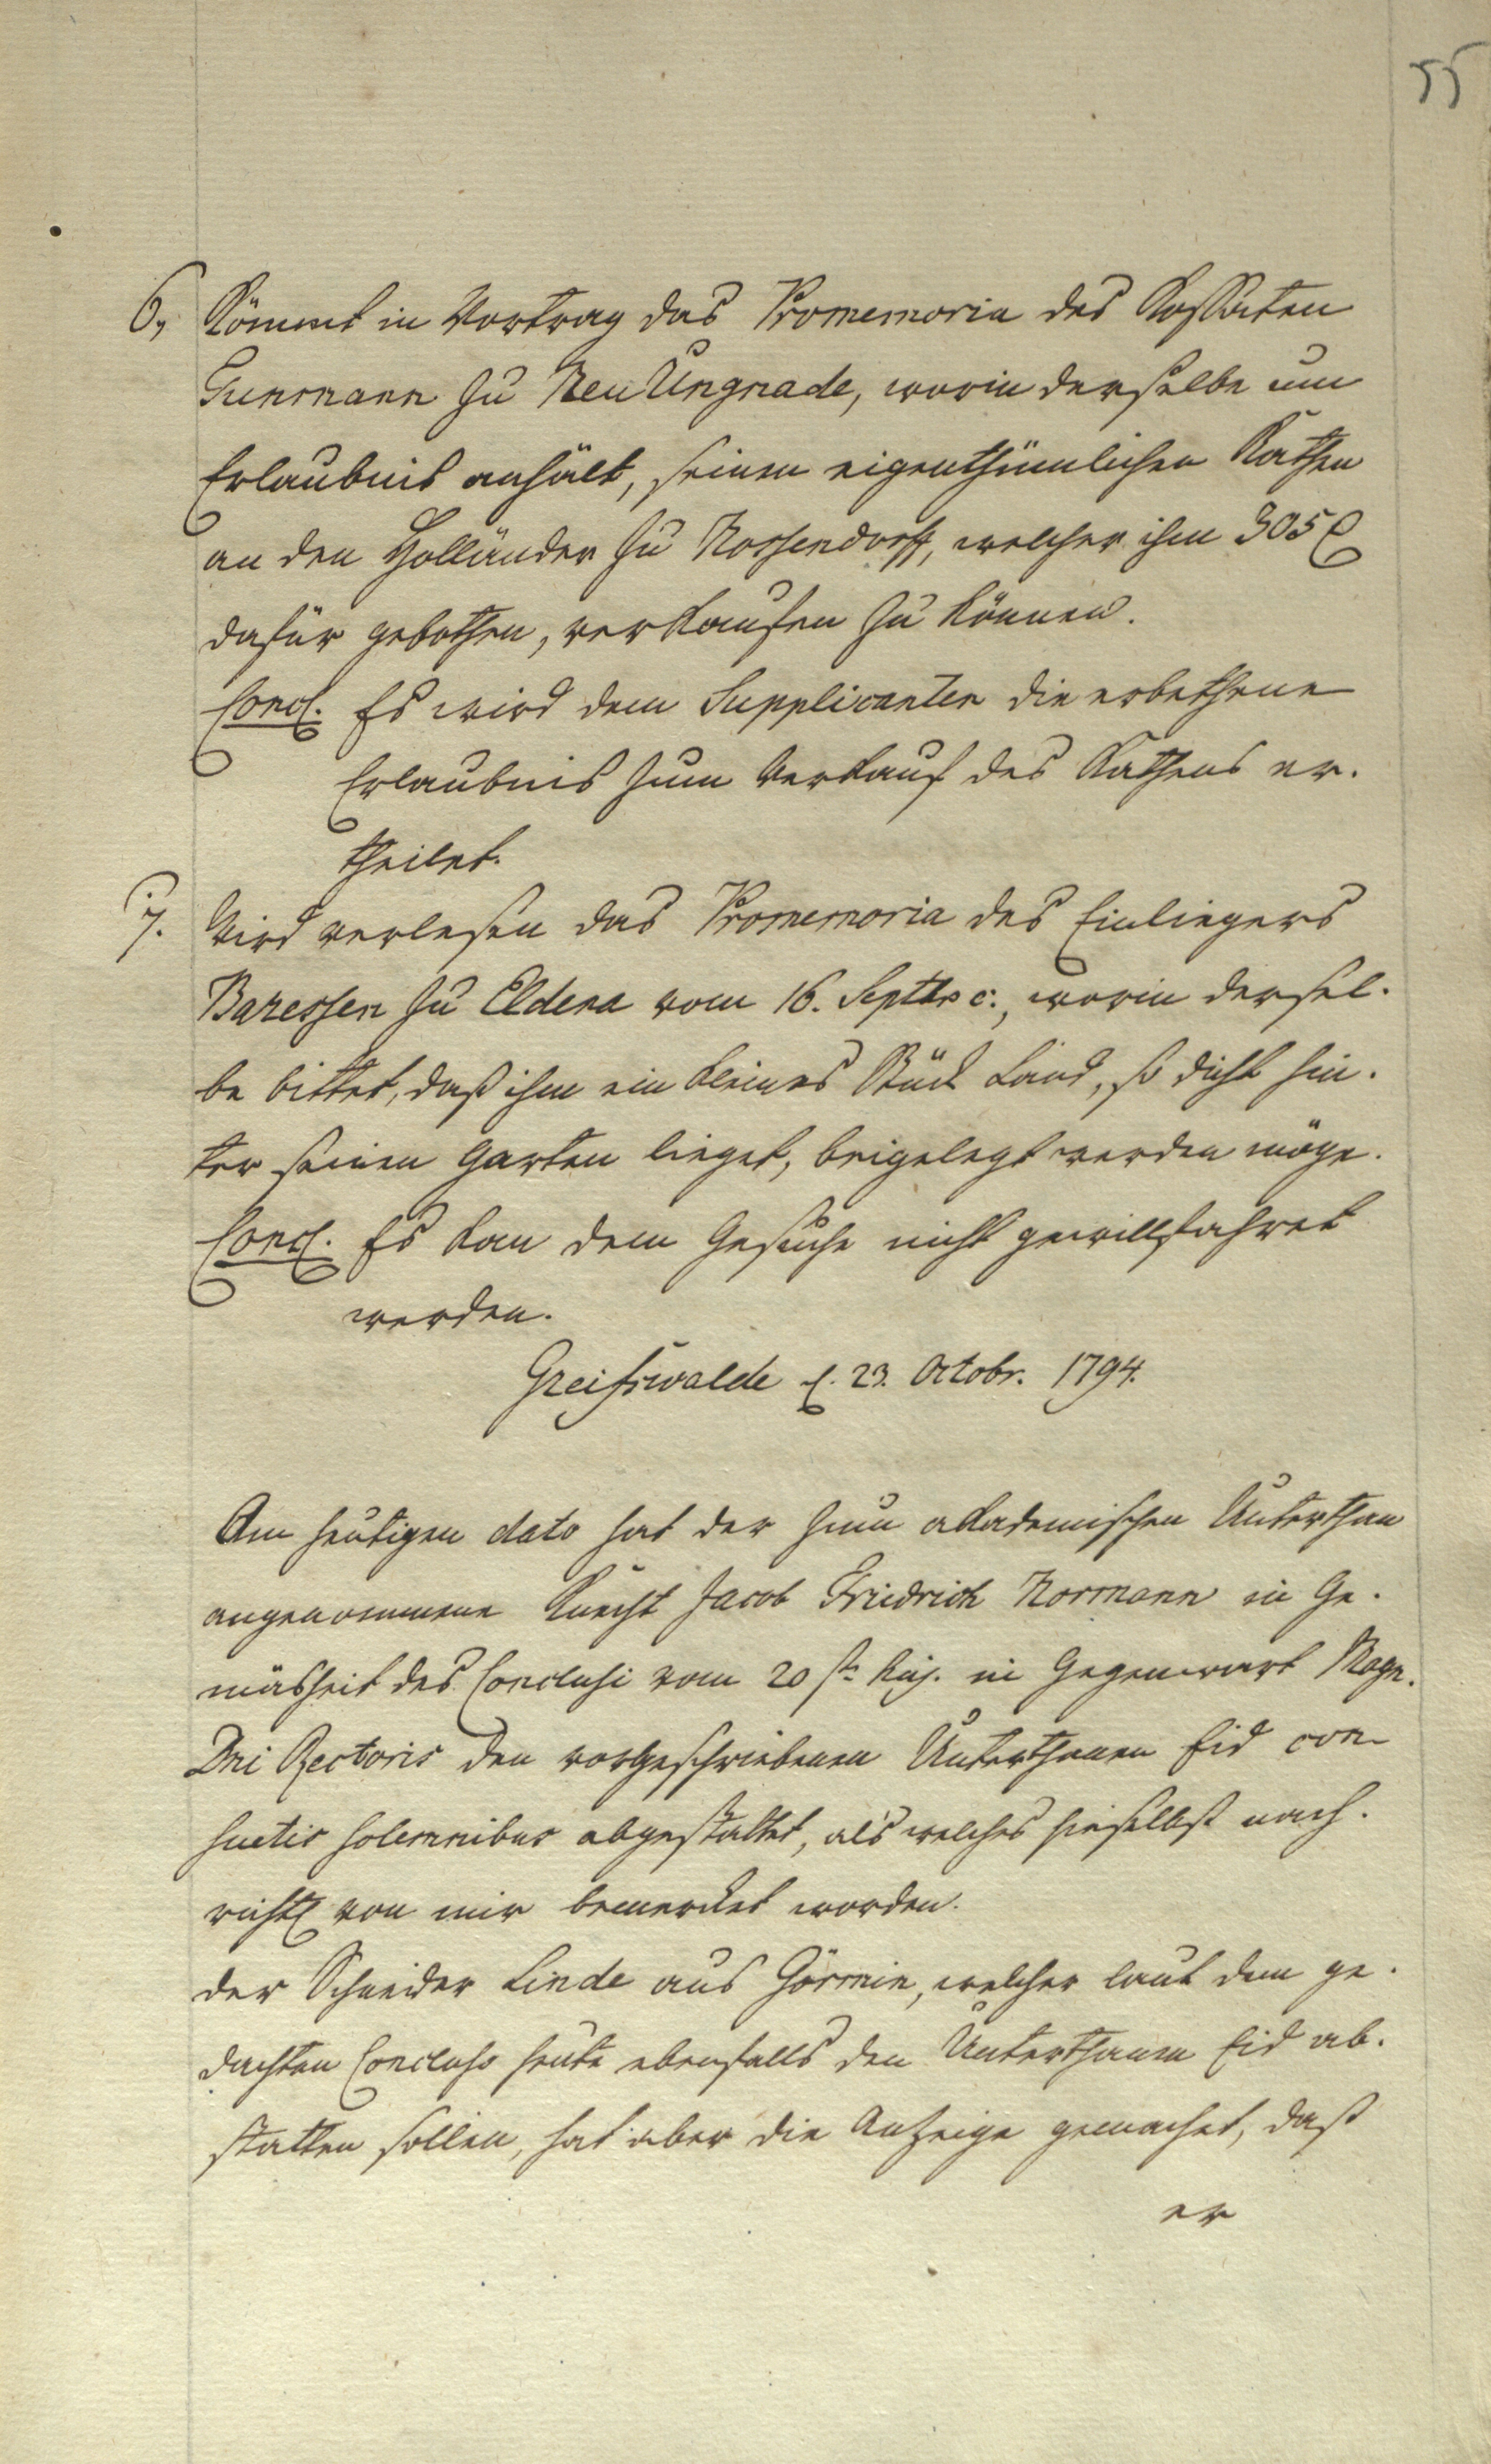6., Kömmt in Vortrag das Promemoria des Kossaten
Tunmann zu NeuUngnade, worin derselbe um
Erlaubnis anhält, seinen eigenthümlichen Kathen
an den Holländer zu Nossendorff, welcher ihm 305 l
dafür gebothen, verkaufen zu können.
Concl. Es wird dem Supplicanten die erbethene
Erlaubnis zum Verkauf des Kathens er¬
theilet.
7. Wird verlesen das Promemoria des Einliegers
Baressen zu Eldena vom 16. Septbr c., worin dersel¬
be bittet, daß ihm ein kleines Stück Land, so dicht hin¬
ter seinem Garten lieget, beigelegt werden möge.
Concl. Es kan dem Gesuche nicht gewillfahret
werden.
Greifswalde d. 23. Octobr. 1794.
Am heutigen dato hat der zum akademischen Unterthan
angenommene Knecht Jacob Friedrich Normann in Ge¬
mäsheit des Conclusi vom 20 st. huj. in Gegenwart Magn.
Dni Rectoris den vorgeschriebenen Unterthanen Eid con¬
suetis solemnibus abgestattet, als welches hieselbst nach¬
richtl. von mir bemercket worden.
Der Schneider Linde aus Görmin, welcher laut dem ge¬
dachten Concluso heute ebenfalls den Unterthanen Eid ab¬
statten sollen, hat aber die Anzeige gemachet, daß
er